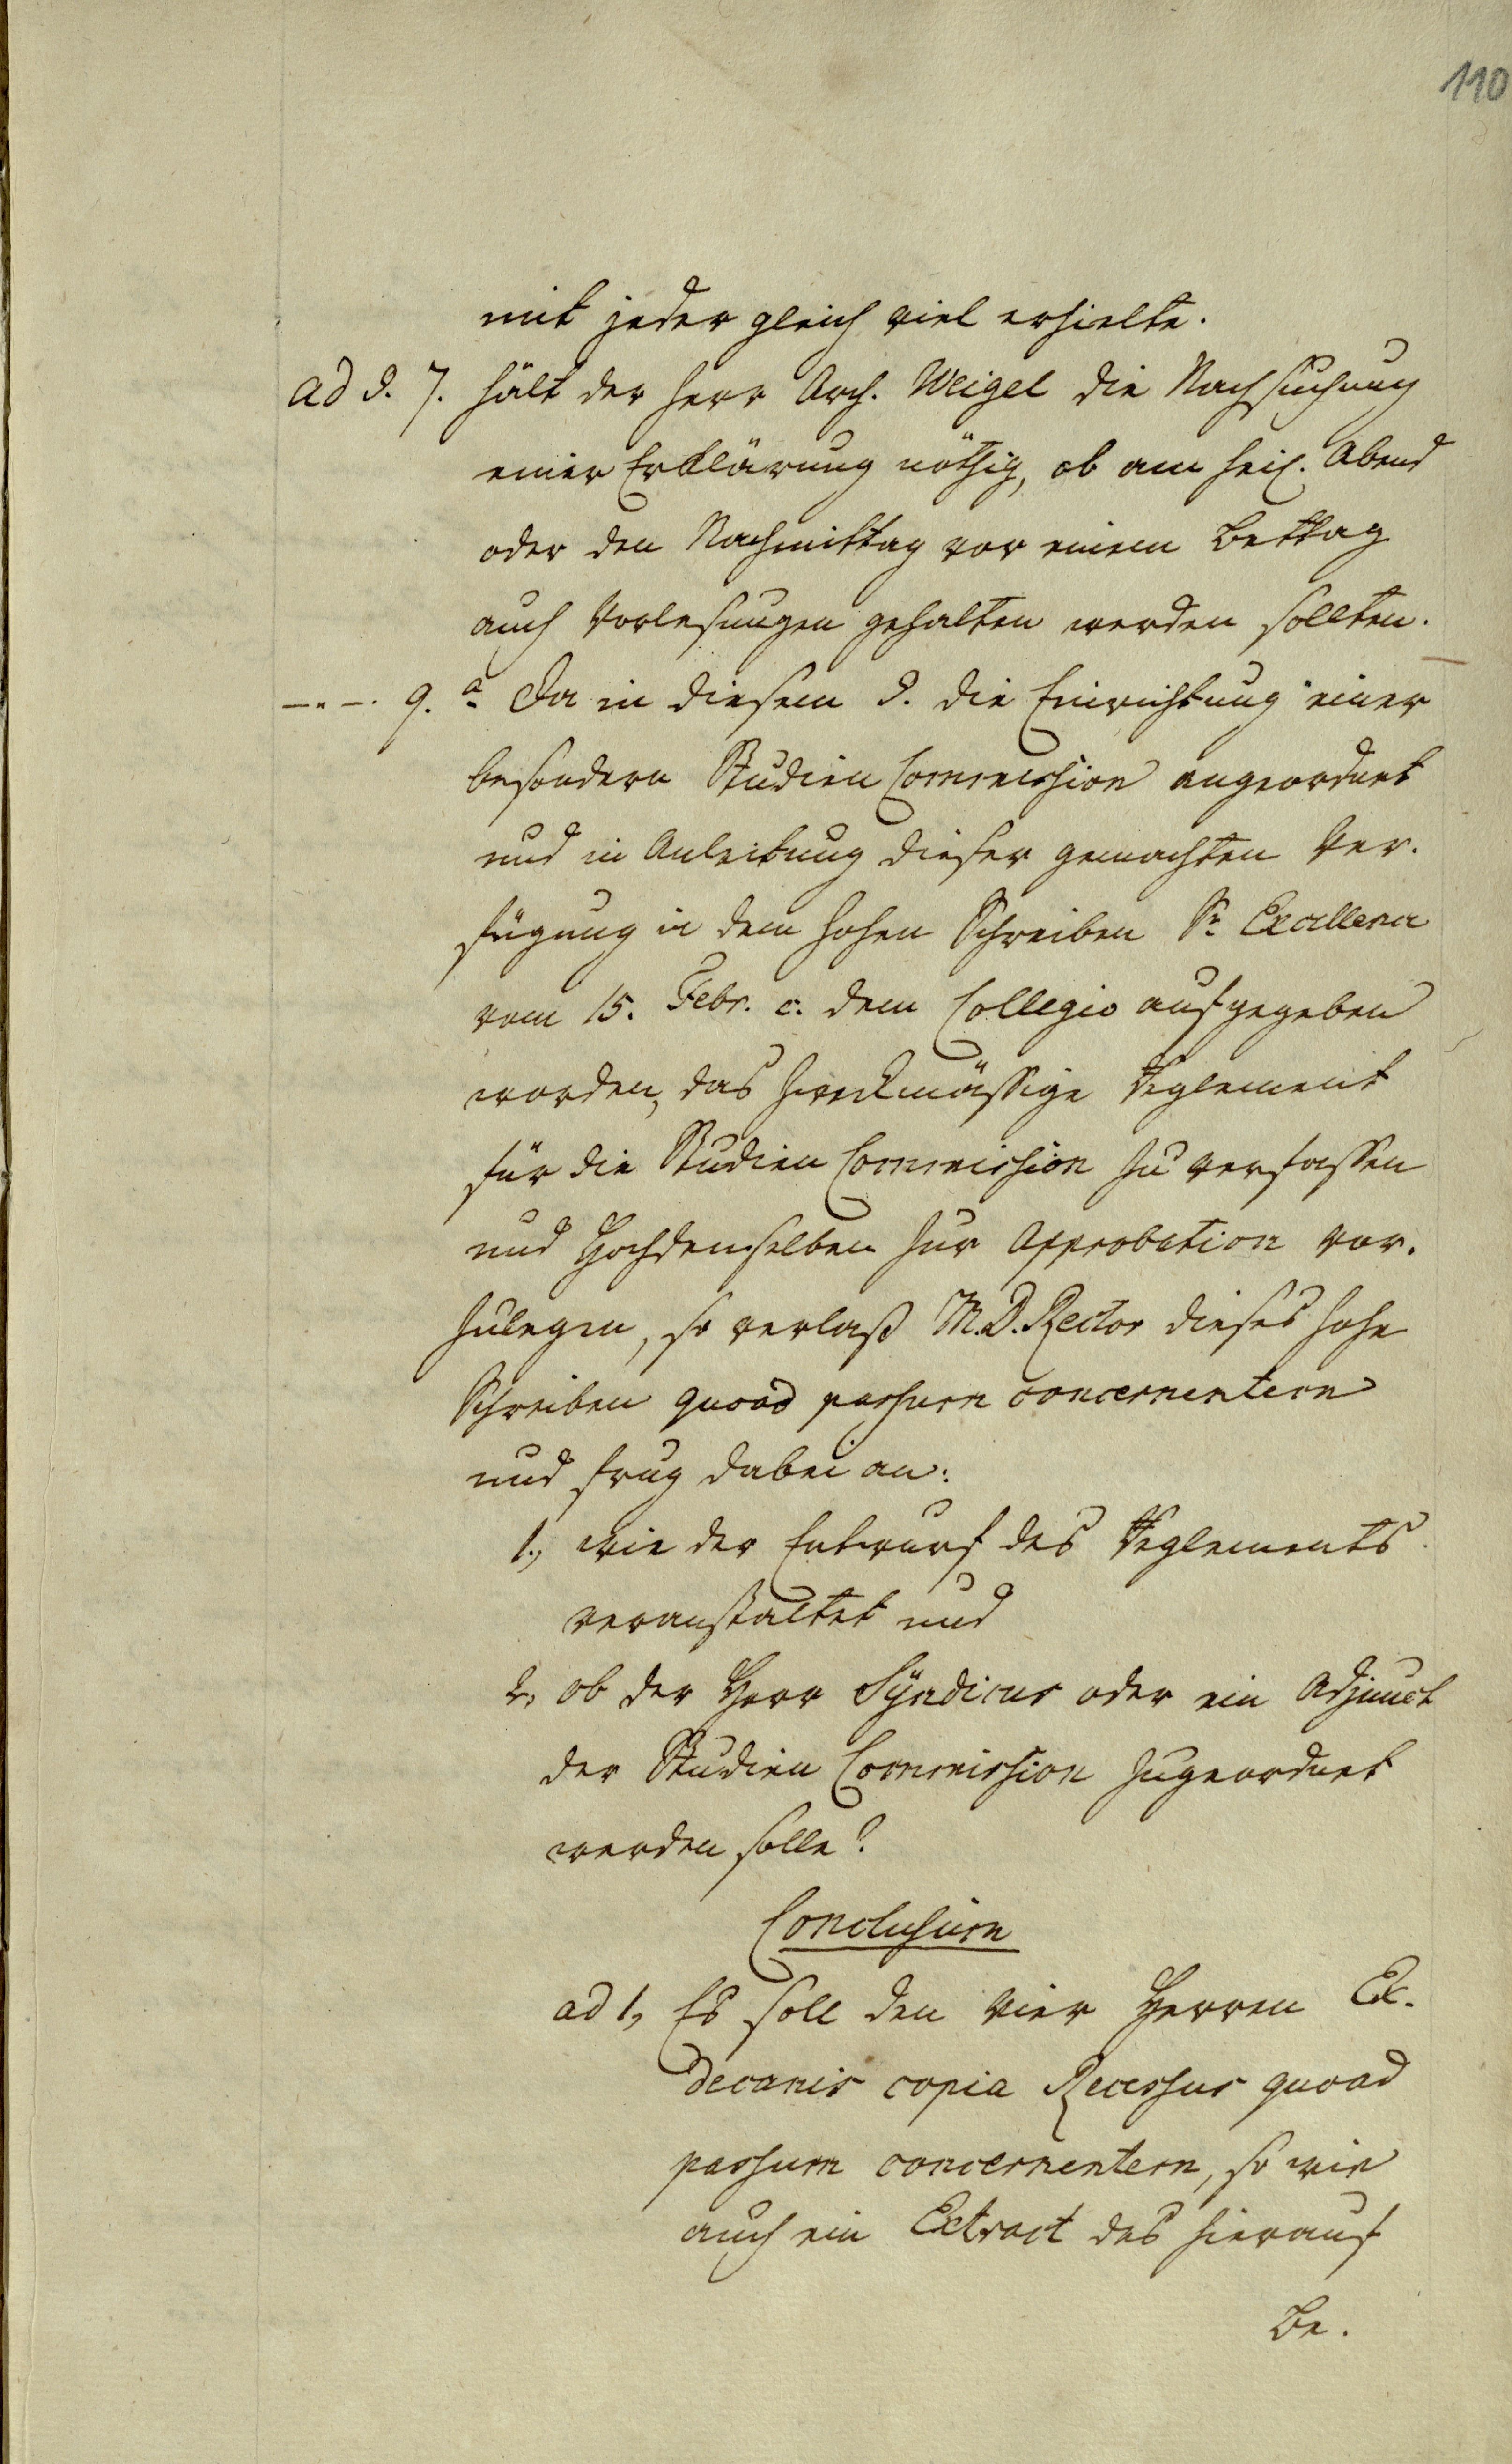mit jeder gleich viel erhielte.
ad §. 7. hält der Herr Arch. Weigel die Nachsuchung
einer Erklärung nöthig, ob am heil. Abend
oder den Nachmittag vor einem Bettag
auch Vorlesungen gehalten werden sollten.
9. a. Da in diesem §. die Einrichtung einer
besondern Studien Commission angeordnet
und in Anleitung dieser gemachten Ver¬
fügung in dem hohen Schreiben Sr Excellence
vom 15. Febr. c. dem Collegio aufgegeben
worden, das zweckmässige Reglement
für die Studien Commission zu verfassen
und Hochdenselben zur Approbation vor¬
zulegen, so verlaß M Rector dieses hohe
Schreiben quoad passum concernentem
und frug dabei an:
1. Wie der Entwurf des Reglements
veranstaltet und
2., ob der Herr Sÿndicus oder ein Adjunct
der Studien Commission zugeordnet
werden solle?
Conclusum
ad 1. Es soll den vier Herren Ex¬
decanis copia Recessus quoad
passum concernentem, so wie
auch ein Extract des hierauf
Be¬